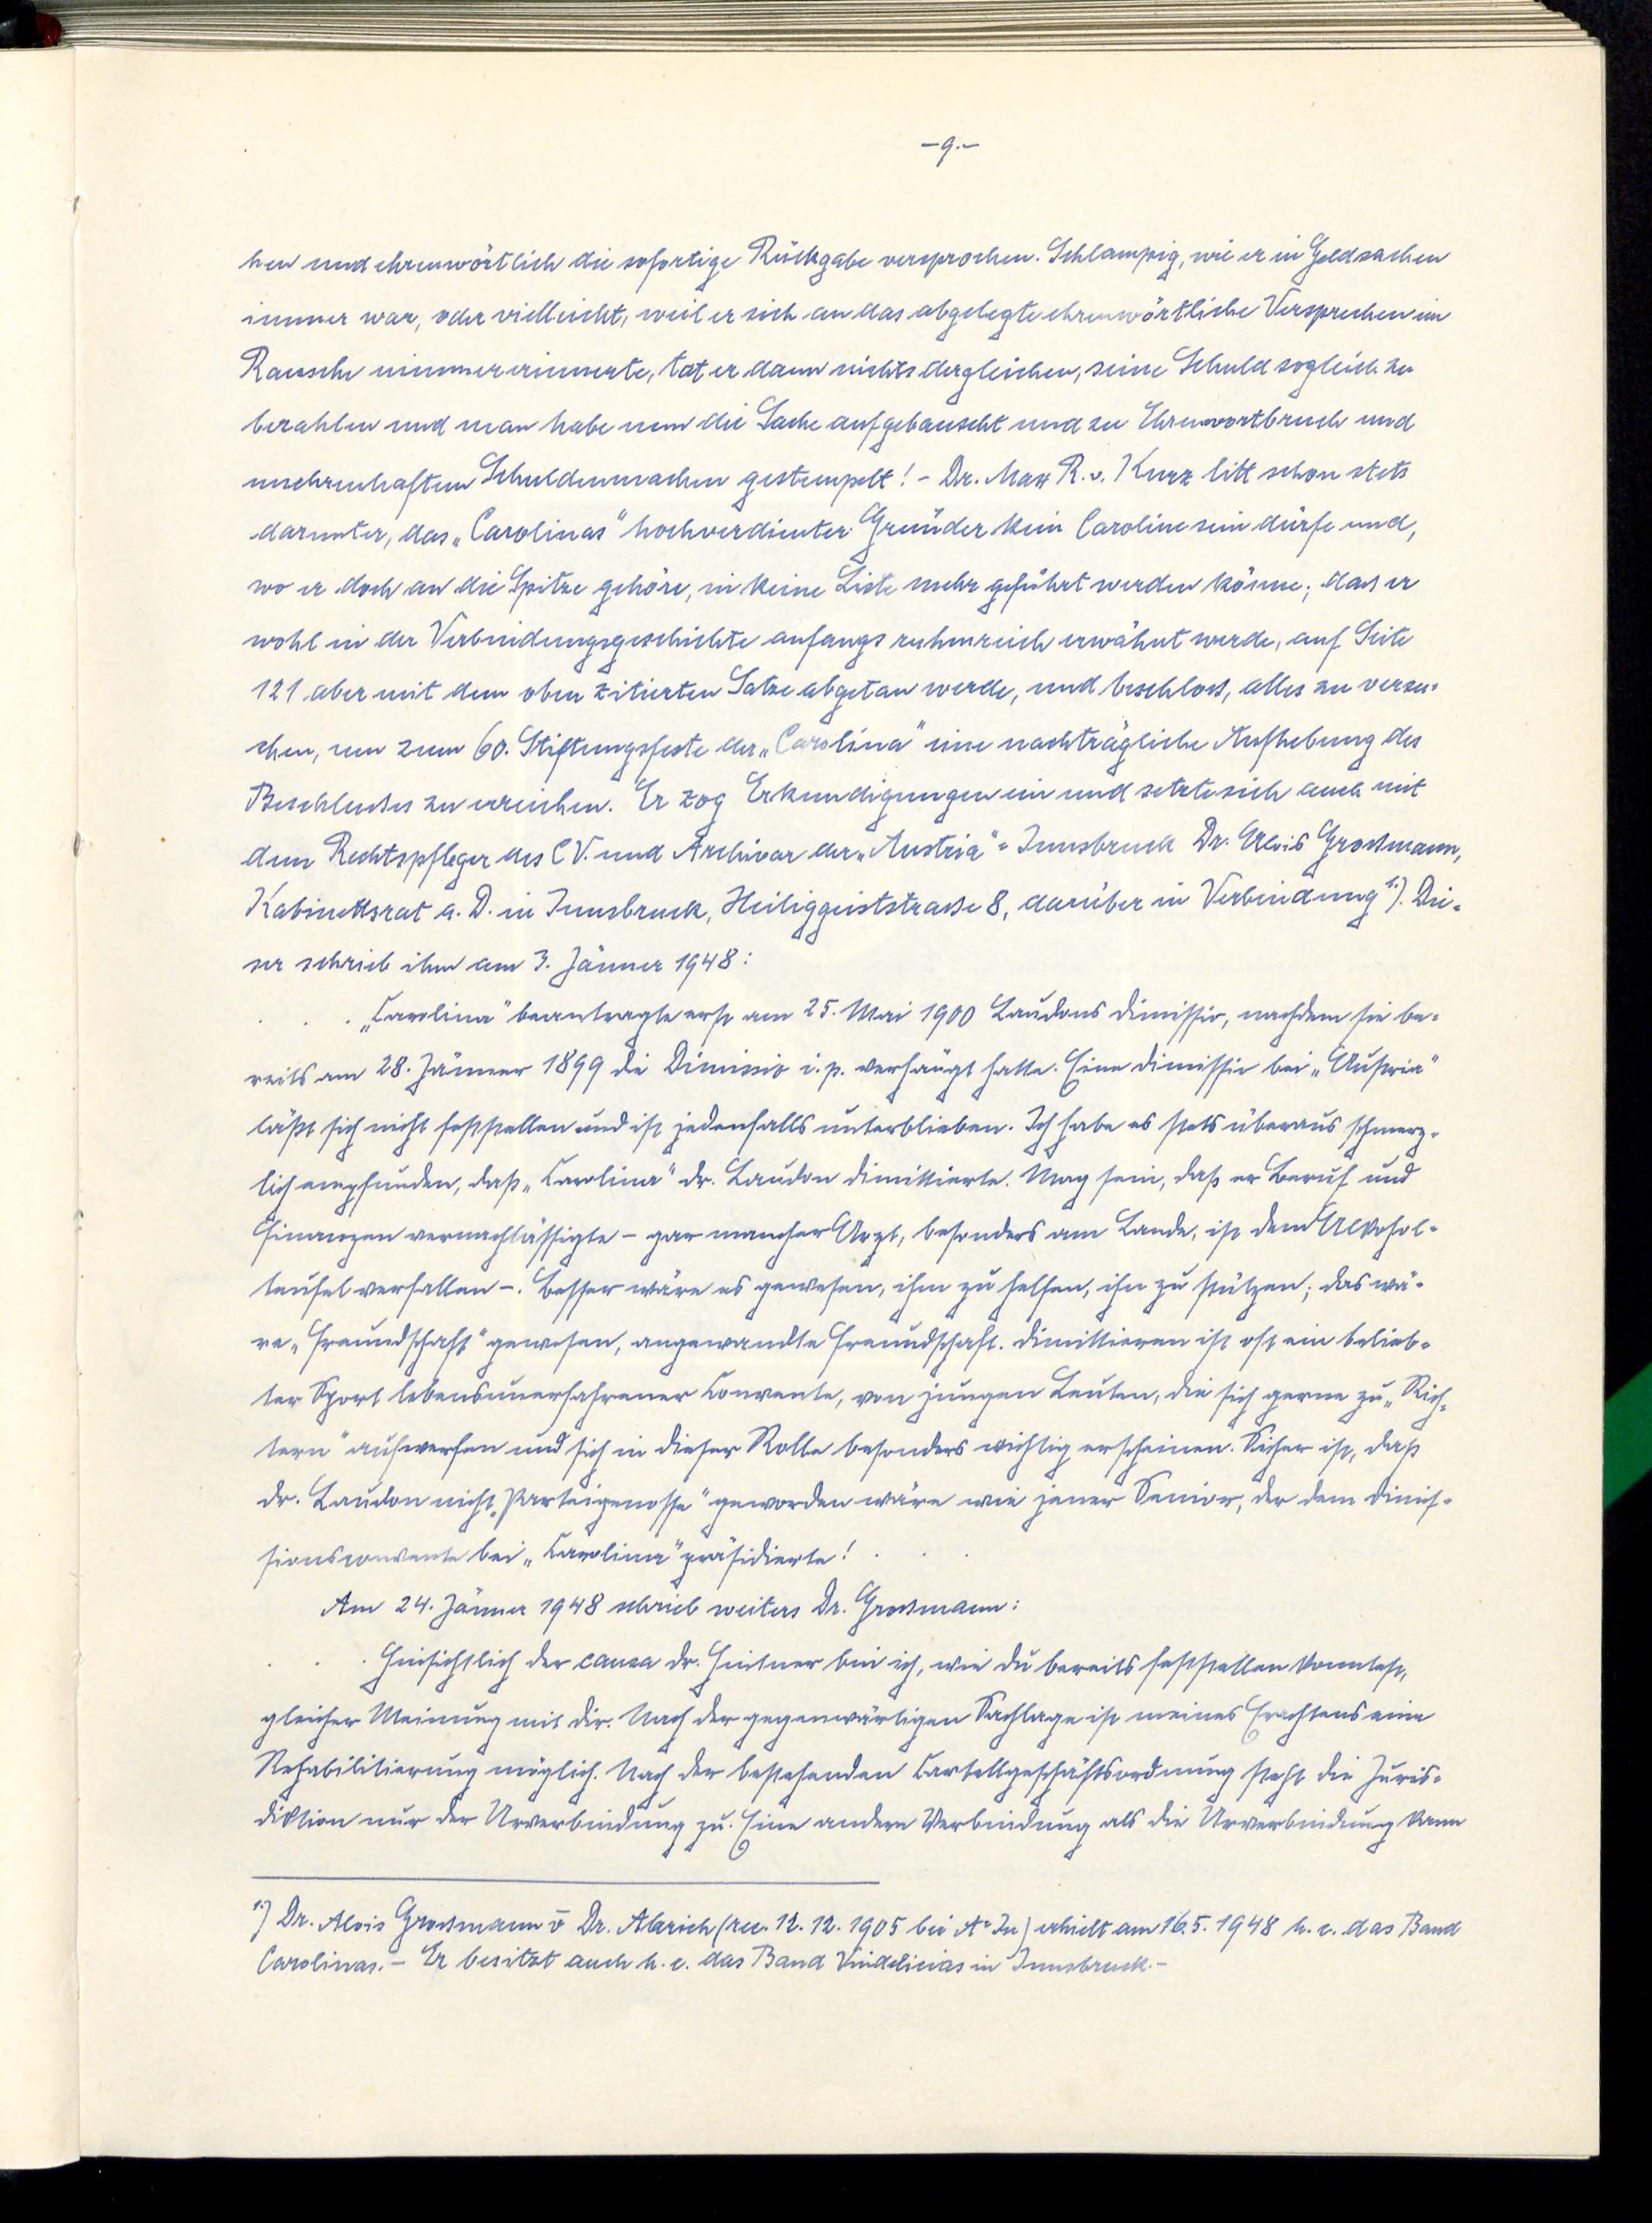9.
hen und ehrenwörtlich die sofortige Rückgabe versprochen. Schlampig, wie er in Geldsachen
immer war, oder vielleicht, weil er sich an das abgelegte ehrenwörtliche Versprechen im
Rausch nimmer erinnerte, tat er dann nichts dergleichen, sein Schuld sogleich zu
bezahlen und man habe nun die Sache aufgebauscht und zu Ehrenwortbruch und
unehrenhaftem Schuldenmachen gestempelt. - Dr. Max R. von Kurz litt schon stets
darunter, das "Carolinas" hochverdienter Gründer kein Caroline sein dürfe und,
wo er doch an die Spitze gehöre, in keine Liste mehr geführt werden känne, das er
wohl in der Verbindungsgeschichte anfangs ruhmreich erwähnt wurde, auf Seite
121. aber mit dem oben zitierten Satze abgetan werde, und beschloss, alles zu versu-
chen, um zum 60. Stiftungsfeste der "Carolina" eine nachträgliche Aufhebung des
Beschlusses zu erreichen. Er zog Erkundigungen ein und setzte sich auch mit
dem Rechtspfleger des C.V. und Archivar der "Austria"-Innsbruck Dr. Alois Grossmann,
Kabinettsrat a. D. in Innsbruck, Heiliggeiststraße 8, darüber in Verbindung 1.) Die-
ser schrieb ihm am 3. Jänner 1948:
"Carolina" beantragte erst am 25. Mai 1900 Laudons Dimissio, nachdem sie be-
reits am 28. Jänner 1899 die Dimissio i. p. verhängt hatte. Eine Dimissio bei "Austria"
läßt sich nicht feststellen und ist jedenfalls unterblieben. Ich habe es stets überaus schmerz-
lich empfunden, daß "Carolina" Dr. Laudon dimittierte. Mag sein, daß er Beruf und
Finanzen vernachlässigte - gar mancher Arzt, besonders am Lande, ist dem Alkohol-
teufel verfallen-. Besser wäre es gewesen, ihm zu helfen, ihn zu stützen, das wä-
re "Freundschaft" gewesen, angewandte Freundschaft. Dimission ist oft ein belieb-
ter Sport lebensunerfahrener Convente, von jüngeren Leuten, die sich ganz zu "Rich-
tern" aufwerfen und sich in dieser Rolle besonders wichtig erscheinen. Sicher ist, daß
Dr. Laudon nicht "Parteigenosse" geworden wäre wie jener Senior, der dem dimis-
sionsconvente bei "Carolina" präsidierte!
Am 24. Jänner 1948 schrien weiter Dr. Grossmann:
Hinsichtlich der causa Dr. Hintner bin ich, wie du bereits feststellen konntest,
gleicher Meinung mit dir. Nach der gegenwärtigen Sachlage ist meines Erachtens eine
Rehabilitierung möglich. Nach der bestehenden Cartellgeschäftsordnung steht die Juris-
diktion nur der Urverbindung zu. Eine andere Verbindung als die Urverbindung kann
1.) Dr. Alois Grossmann v/o Dr. Alarich (rec. 12. 12. 1905 bei AIn) erhielt am 16. 5. 1948 h. c. das Band
Carolinas.- Er besitzt auch h. c. das Band Vindelicias in Innsbruck.-